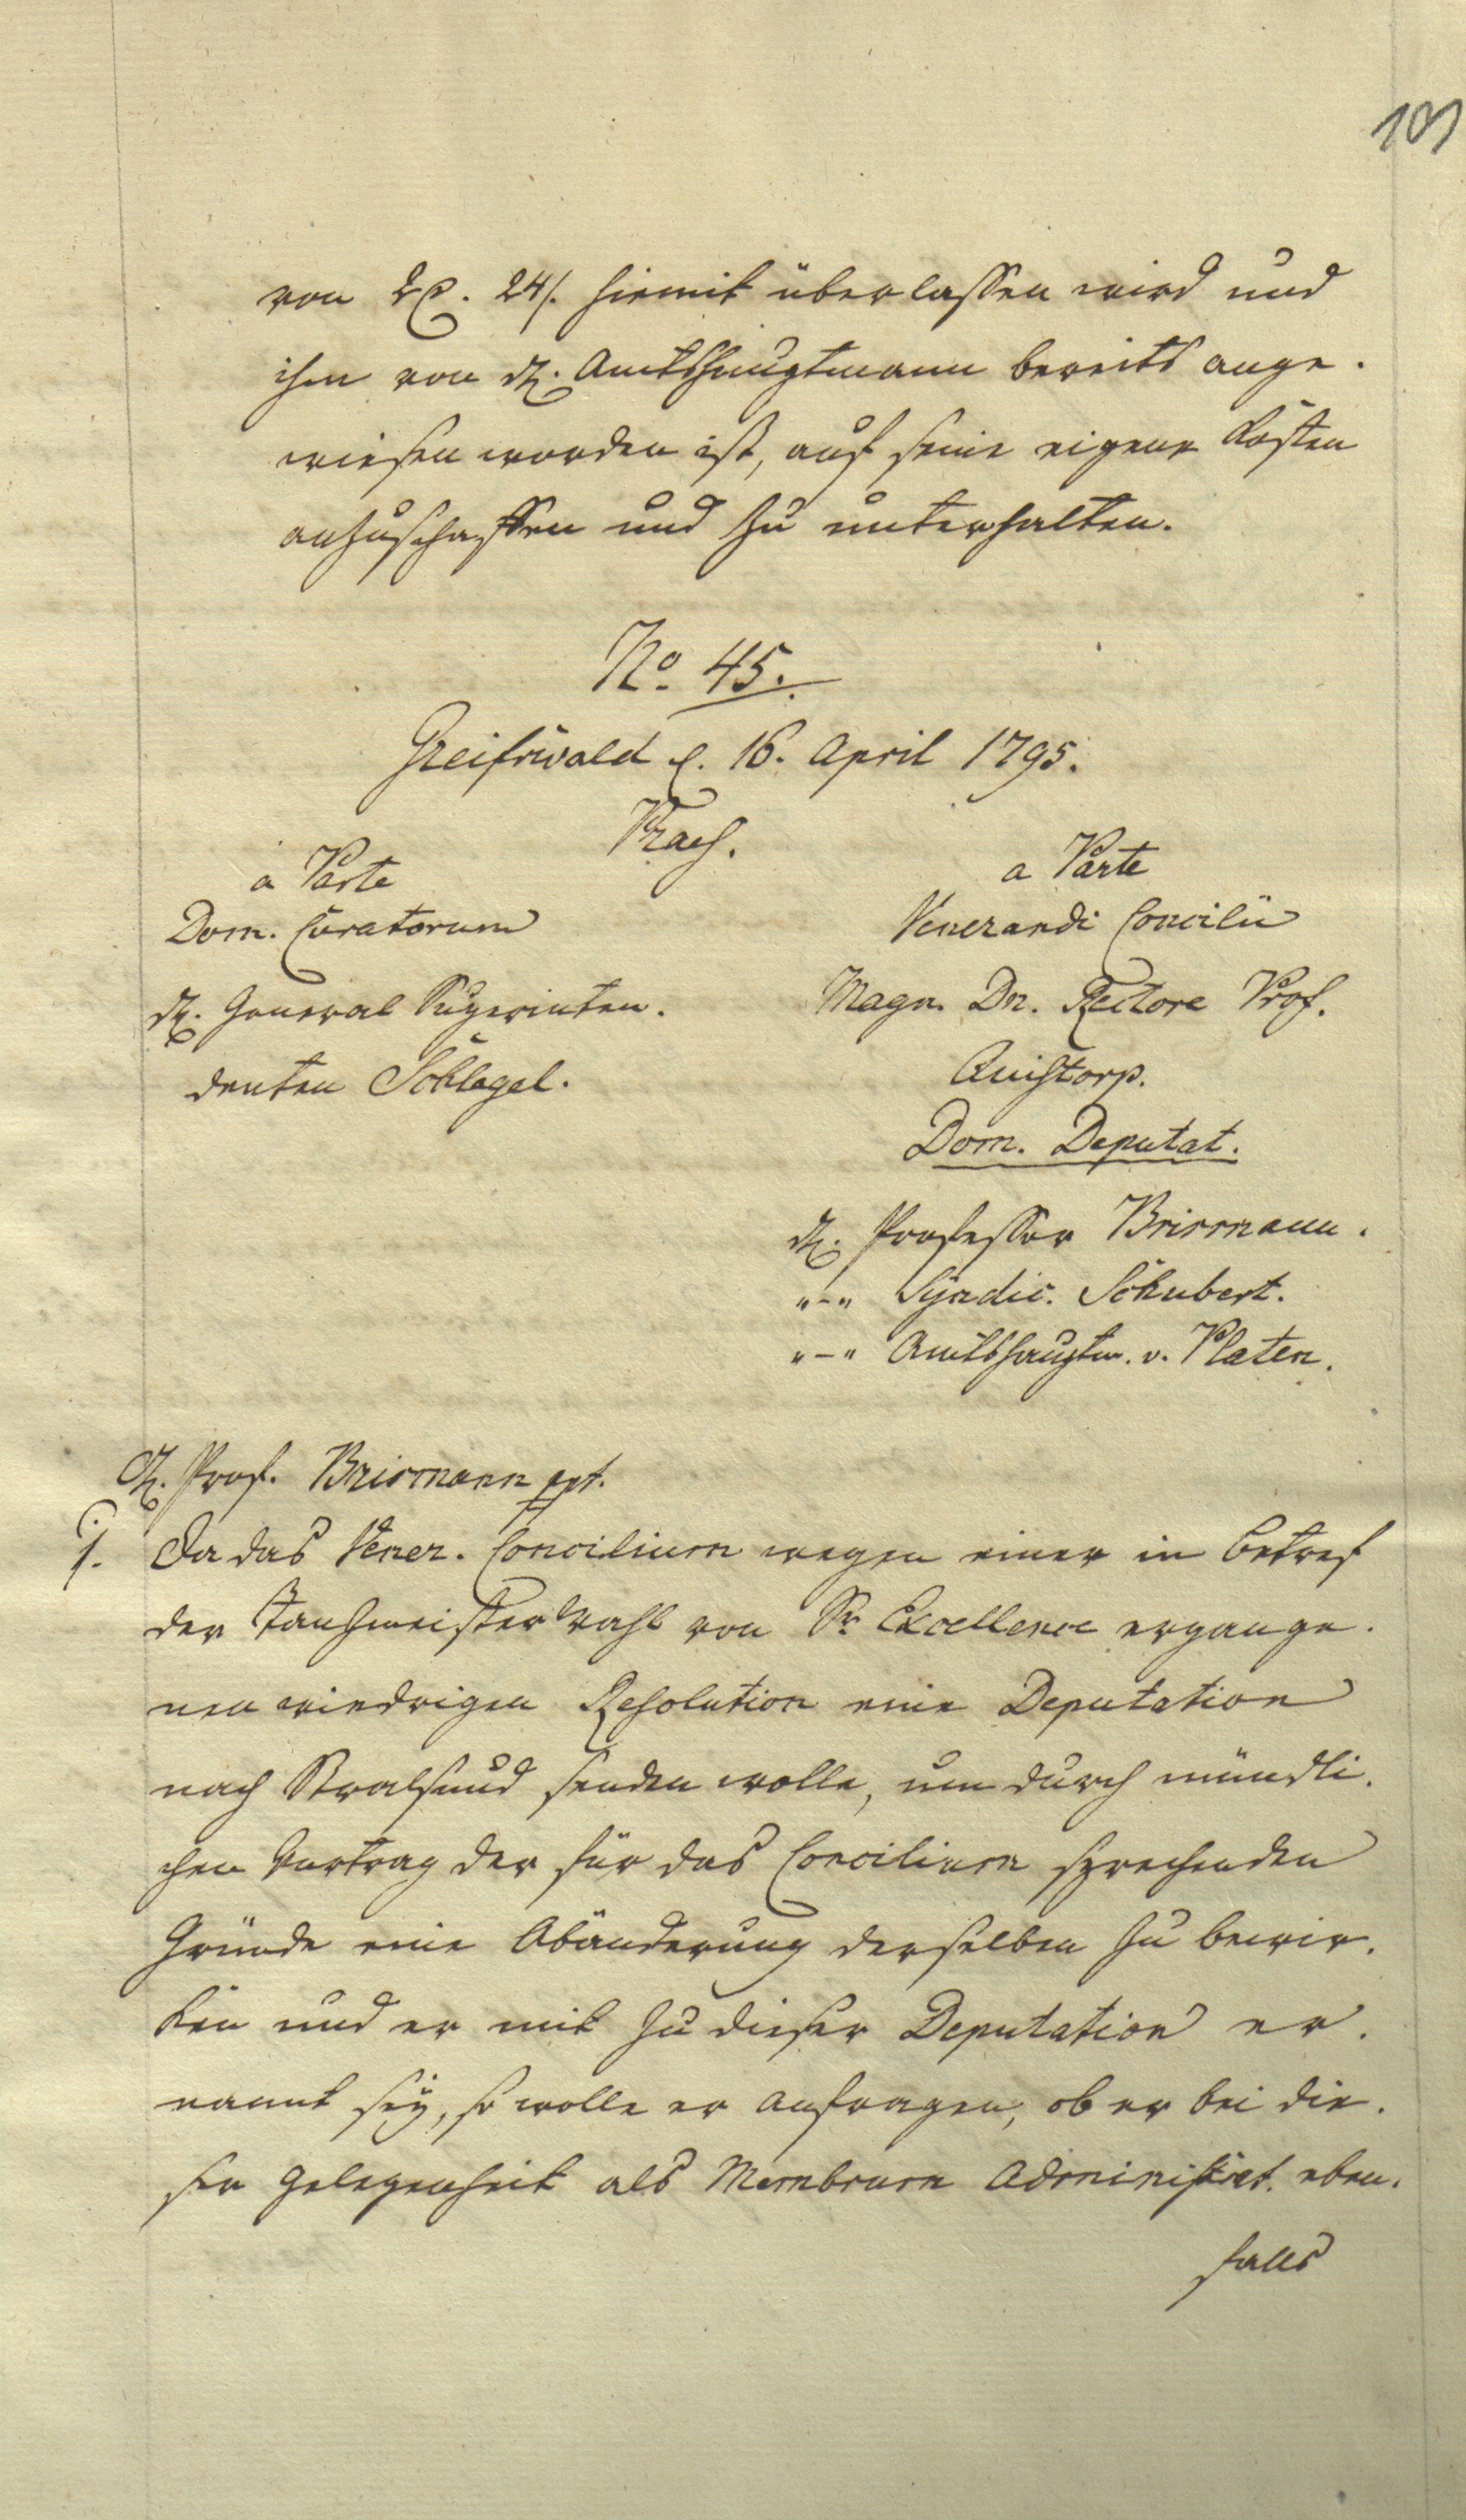von 2 l. 24 s. hiemit überlassen wird und
ihm von dh. Amtshauptmann bereits ange¬
wiesen worden ist, auf seine eigene Kosten
anzuschaffen und zu unterhalten.
No 45.
Greifswald d. 16. April 1795.
Praes.
a Parte a Parte
Dom. Caratorum Venerandi Concilii
dh. General Superinten¬ Magn. Dn. Rectore Prof.
denten Schlegel. Quistorp
Dom. Deputat.
dh. Professor Brismann.
Sÿndic. Schubert.
Amtshauptm. v. Platen.
dh. Prof. Brismann ppt.
1. Da das Vener. Concilium wegen einer in Betref
der Tanzmeister Wahl von Sr Excellence ergange¬
nen wiedrigen Resolution eine Deputation
nach Stralsund senden wolle, um durch mündli¬
chen Vortrag der für das Concilium sprechenden
Gründe eine Abänderung derselben zu bewir¬
ken und er mit zu dieser Deputation er¬
nannt seÿ, so wolle er anfragen, ob er bei die¬
ser Gelegenheit als Membrum Administrat. eben¬
falls